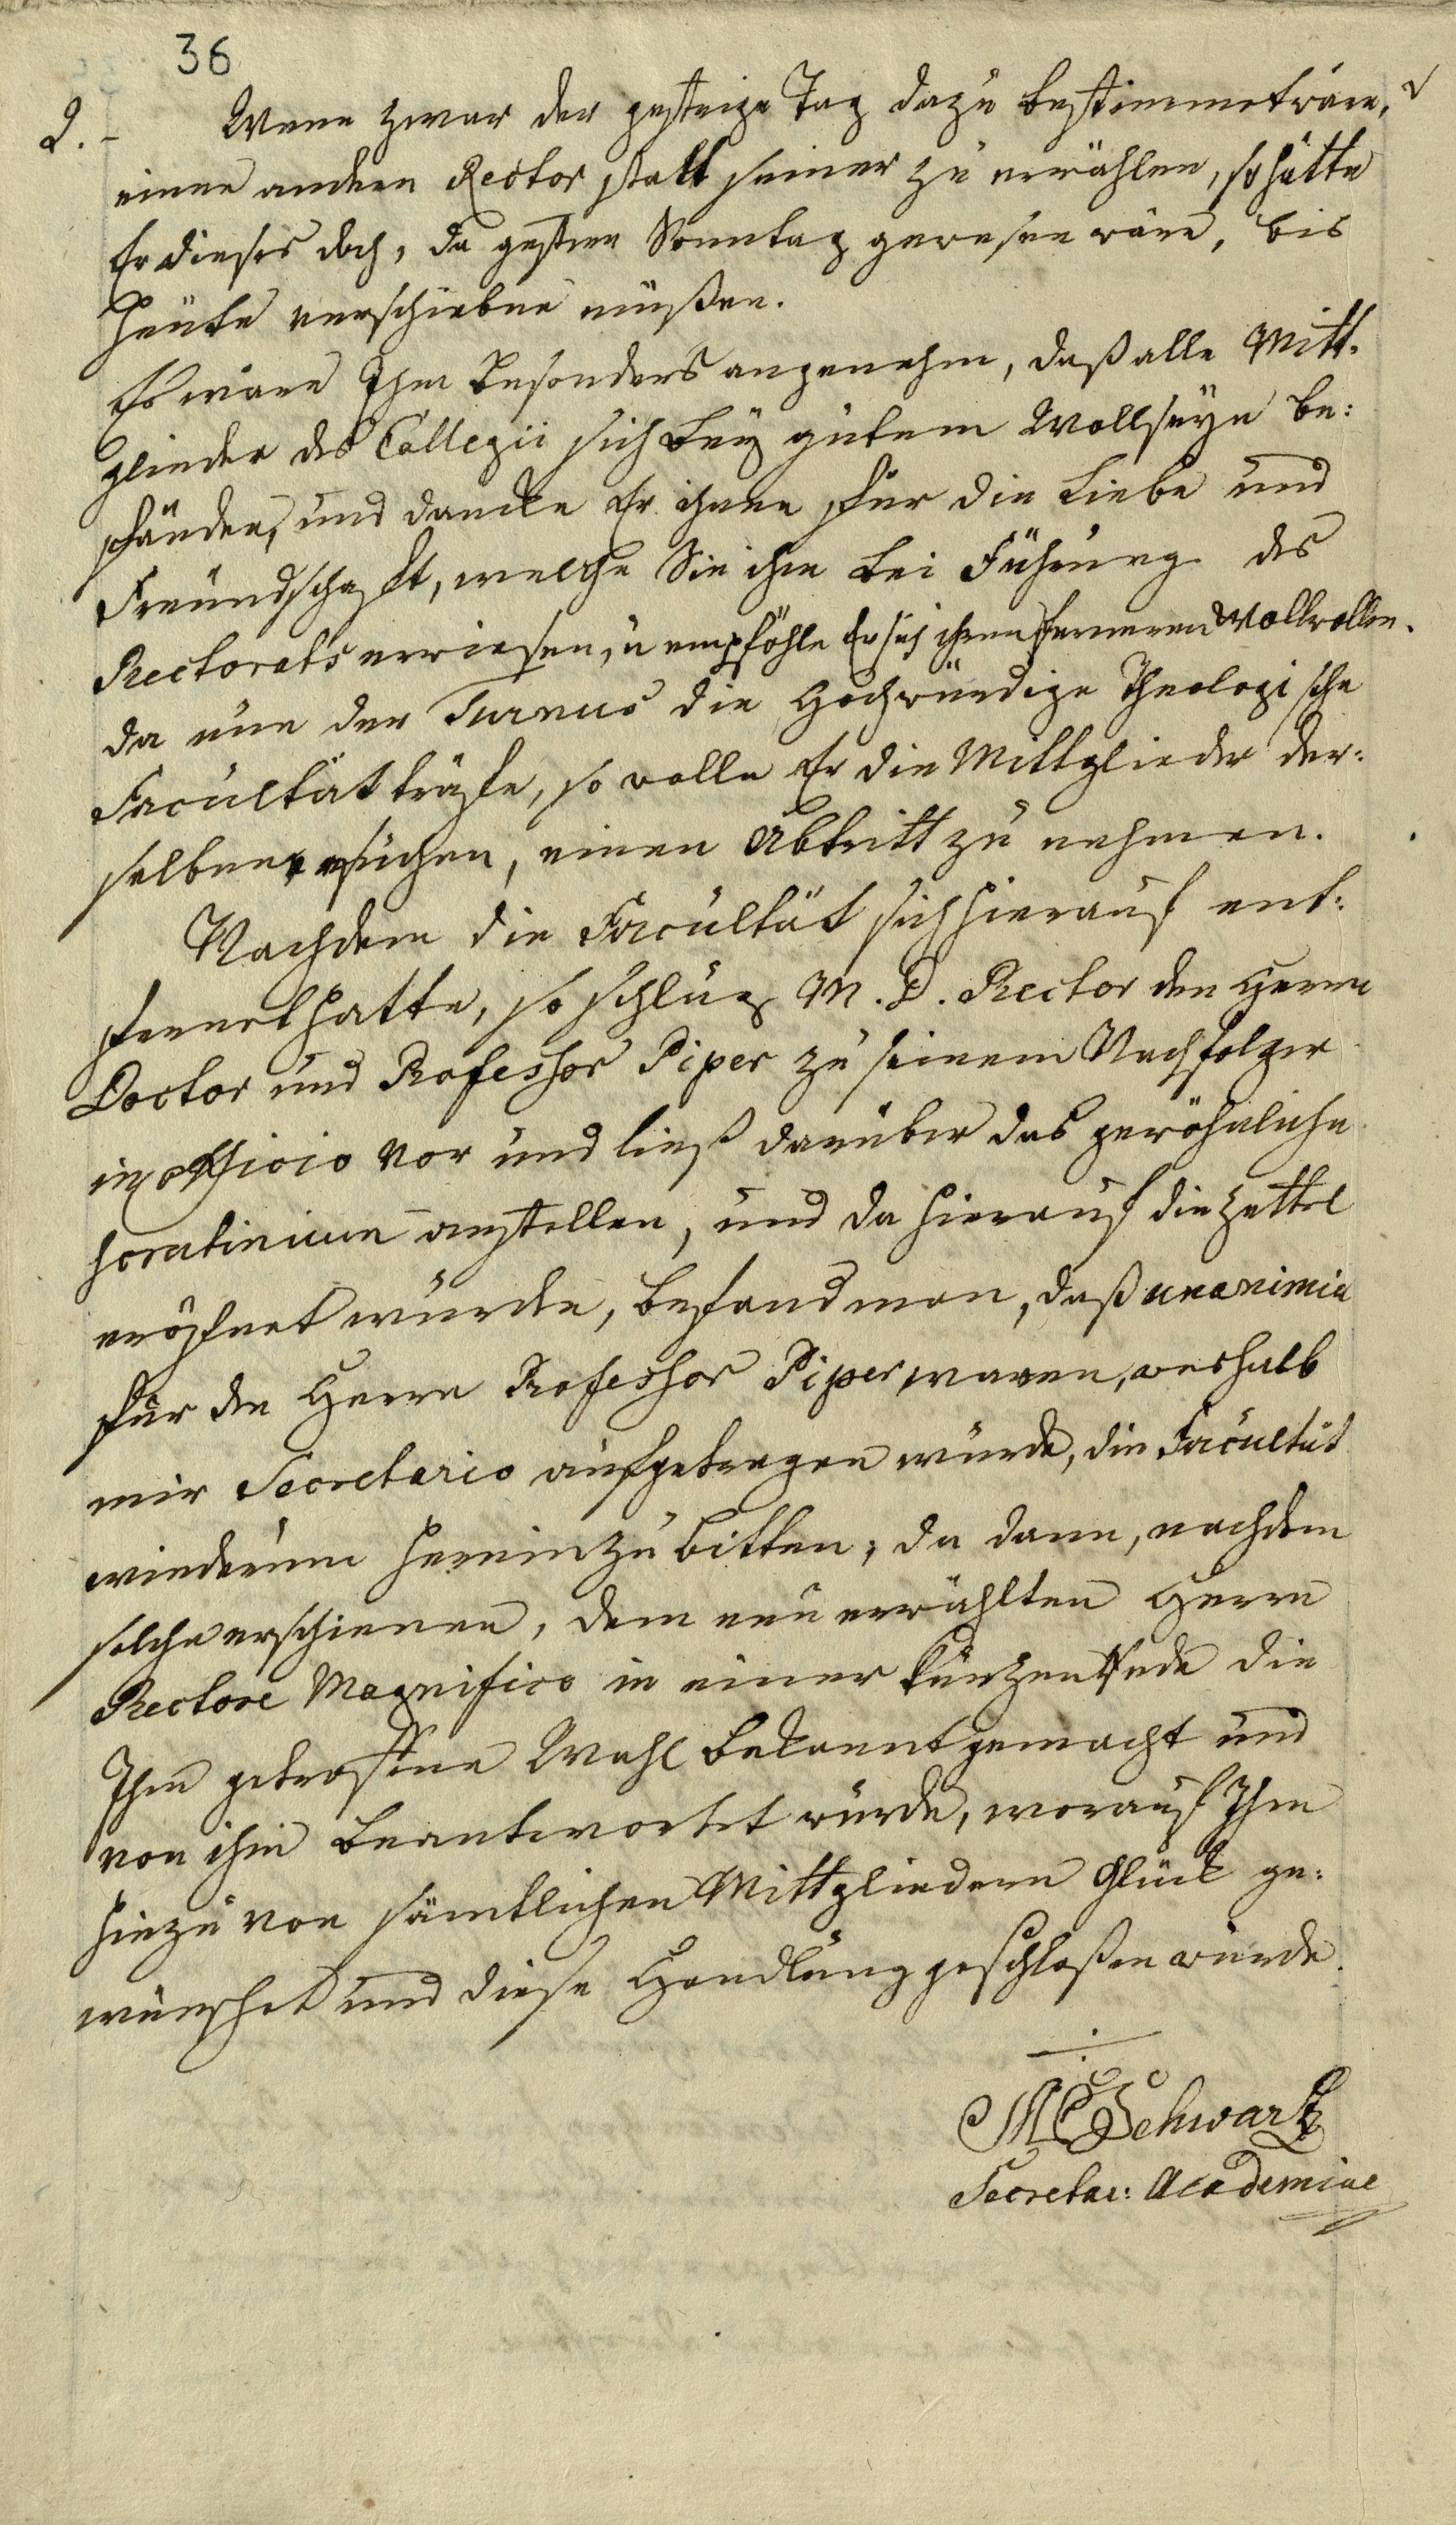2. Wenn zwar der gestrige Tag dazu bestimmet wäre,
einen andern Rector statt seiner zu erwählen, so hätte
Er dieses doch, da gestern Sonntag gewesen wäre, bis
heute verschieben müssen.
Es wäre Ihm besonders angenehm, daß alle Mitt¬
glieder des Collegii sich beÿ gutem Wohlseÿn be¬
fänden, und dancke Er ihnen für die Liebe und
Freundschaft, welche Sie ihm bei Führung des
Rectorats erwiesen, u empföhle Er sich ihrem ferneren Wohlwollen.
Da nun der Turnus die Hochwürdige Theologische
Facultät träfe, so wolle Er die Mittglieder der¬
selben ersuchen, einen Abtritt zu nehmen.
Nachdem die Facultät sich hierauf ent¬
fernet hatte, so schlug M. D. Rector den Herrn
Doctor und Professor Piper zu seinem Nachfolger
in officio vor und ließ darüber das gewöhnliche
scratinium anstellen, und da hierauf die Zettel
eröfnet wurden, befand man, daß unanimia
für den Herrn Professor Piper waren, weshalb
mir Secretario aufgetragen wurde, die Facultät
wiederum hereinzu bitten, da dann, nachdem
solche erschienen, dem neu erwählten Herrn
Rectore Magnifico in einer kurzen Rede die
Ihm getroffene Wahl bekannt gemacht und
von ihm beantwortet wurde, worauf Ihm
hiezu von sämtlichen Mittgliedern Glück ge¬
wünschet und diese Handlung geschloßen wurde.
M. C. Schwartz
Secretar. Academiae